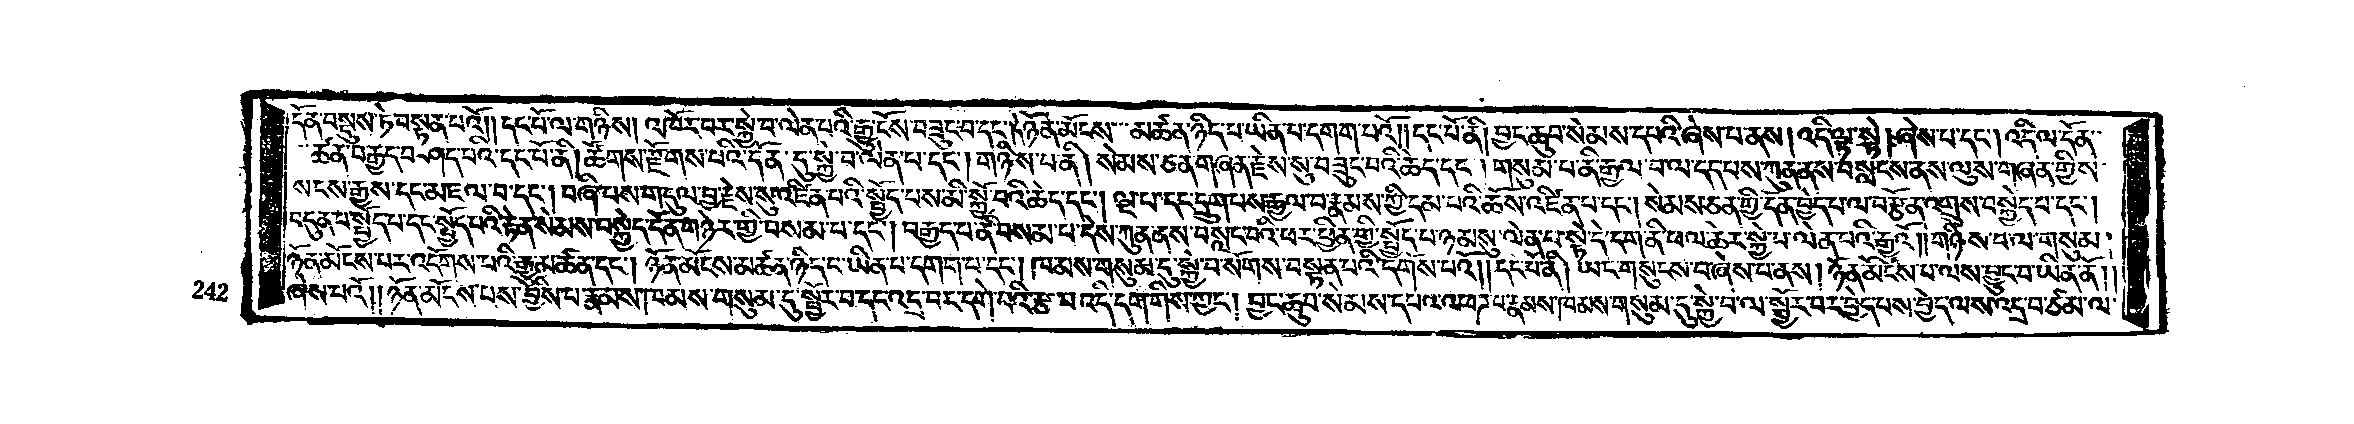དོན་བསྡུས་ཏེ་བསྟན་པའོ། །དང་པོ་ལ་གཉིས། འཁོར་བར་སྐྱེ་བ་ལེན་པའི་རྒྱུ་ངོས་བཟུང་བ་དང་། དེ་ཉོན་མོངས་མཚན་ཉིད་པ་ཡིན་པ་དགག་པའོ། །དང་པོ་ནི། བྱང་ཆུབ་སེམས་དཔའི་ཞེས་པ་ནས། འདི་ལྟ་སྟེ། ཞེས་པ་དང་། འདི་ལ་དོན་
ཚན་བརྒྱད་བཤད་པའི་དང་པོ་ནི། ཚོགས་རྫོགས་པའི་དོན་དུ་སྐྱེ་བ་ལེན་པ་དང་། གཉིས་པ་ནི། སེམས་ཅན་གཞན་རྗེས་སུ་བཟུང་བའི་ཆེད་དང་། གསུམ་པ་ནི་རྒྱལ་བ་ལ་དད་པས་ཀུན་ནས་བསླངས་ནས་ལུས་གཞན་གྱིས་
སངས་རྒྱས་དང་མཇལ་བ་དང་། བཞི་པས་གདུལ་བྱ་རྗེས་སུ་འཛིན་པའི་སྤྱོད་པས་མི་སྐྱོ་བའི་ཆེད་དང་། ལྔ་པ་དང་དྲུག་པས་རྒྱལ་བ་རྣམས་ཀྱི་དམ་པའི་ཆོས་འཛིན་པ་དང་། སེམས་ཅན་གྱི་དོན་བྱེད་པ་ལ་བརྩོན་འགྲུས་བསྐྱེད་པ་དང་།
བདུན་པ་སྤྱོད་པ་དང་སྤྱོད་པའི་རྟེན་སེམས་བསྐྱེད་དོན་གཉེར་གྱི་བསམ་པ་དང་། བརྒྱད་པ་ནི་བསམ་པ་དེས་ཀུན་ནས་བསླང་བའི་ཕར་ཕྱིན་གྱི་སྤྱོད་པ་ཉམས་སུ་ལེན་པ་སྟེ་དེ་དག་ནི་ཕལ་ཆེར་སྐྱེ་བ་ལེན་པའི་རྒྱུའོ། །གཉིས་པ་ལ་གསུམ། །
ཉོན་མོངས་པར་འདོགས་པའི་རྒྱུ་མཚན་དང་། ཉོན་མོངས་མཚན་ཉིད་པ་ཡིན་པ་དགག་པ་དང་། ཁམས་གསུམ་དུ་སྐྱེ་བ་སོགས་བསྟན་པའི་དགོས་པའོ། །དང་པོ་ནི། ཡང་གསུངས་བ་ཞེས་པ་ནས། ཉོན་མོངས་པ་ལས་བྱུང་བ་ཡིན་ནོ། །
ཞེས་པའོ། །ཉོན་མོངས་པས་བྱིས་པ་རྣམས་ཁམས་གསུམ་དུ་སྦྱོར་བ་དང་འདྲ་བར་དགེ་བའི་རྩ་བ་འདི་དག་གིས་ཀྱང་། བྱང་ཆུབ་སེམས་དཔའ་འཕགས་པ་རྣམས་ཁམས་གསུམ་དུ་སྐྱེ་བ་ལ་སྦྱོར་བར་བྱེད་པས་བྱེད་ལས་འདྲ་བ་ཙམ་ལ་